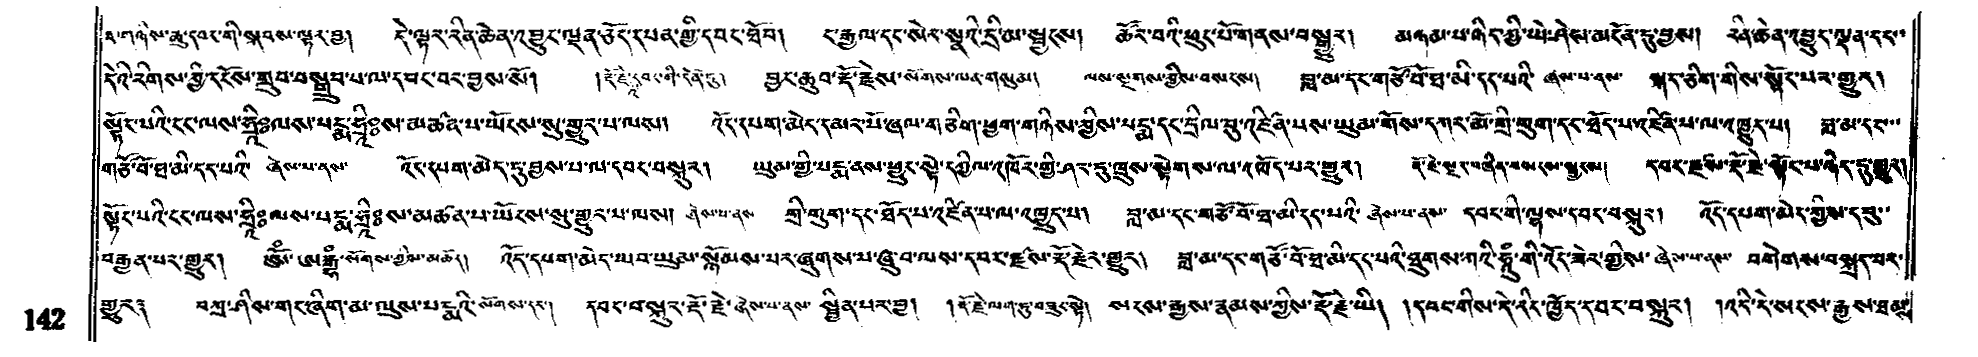བ་གཉིས་ཆུ་དབང་གི་སྐབས་ལྟར་བྱ། དེ་ལྟར་རིན་ཆེན་འབྱུང་ལྡན་ཅོད་པན་གྱི་དབང་ཐོབ། ང་རྒྱལ་དང་སེར་སྣའི་དྲི་མ་སྦྱངས། ཚོར་བའི་ཕུང་པོ་གནས་བསྒྱུར། མཉམ་པ་ཉིད་ཀྱི་ཡེ་ཤེས་མངོན་དུ་བྱས། རིན་ཆེན་འབྱུང་ལྡན་དང་
དེའི་རིགས་ཀྱི་དངོས་གྲུབ་བསྒྲུབ་པ་ལ་དབང་བར་བྱས་སོ། །རྡོ་རྗེའི་དབང་གི་དོན་དུ།  བྱང་ཆུབ་རྡོ་རྗེས་སོགས་ལན་གསུམ། ལས་སྔགས་ཀྱིས་བསངས།  བླ་མ་དང་གཙོ་བོ་ཐ་མི་དད་པའི་ཞེས་པ་ནས་སྐད་ཅིག་གིས་སྟོང་པར་གྱུར།
སྟོང་པའི་ངང་ལས་ཧྲཱིཿ ལས་པདམ་ཧྲཱིཿ ས་མཚན་པ་ཡོངས་སུ་གྱུར་པ་ལས། འོད་དཔག་མེད་དམར་པོ་ཞལ་གཅིག་ཕྱག་གཉིས་ཀྱིས་པདམ་དང་དྲིལ་བུ་འཛིན་པས་ཡུམ་གོས་དཀར་མོ་གྲི་གུག་དང་ཐོད་པ་འཛིན་པ་ལ་འཁྱུད་པ། བླ་མ་དང་
གཙོ་བོ་ཐ་མི་དད་པའི་ཞེས་པ་ནས་འོད་དཔག་མེད་དུ་བྱས་པ་ལ་དབང་བསྐུར། ཡུམ་གྱི་པདམ་ནས་ཕྱུང་སྟེ་དཀྱིལ་འཁོར་གྱིས་ཤར་དུ་ཁྲུས་སྟེགས་ལ་འཁོད་པར་གྱུར། རྡོ་རྗེ་སྔར་བཞིན་བསངས་སྦྱངས།  དབང་རྫས་རྡོ་རྗེ་སྟོང་པ་ཉིད་དུ་གྱུར།
སྟོང་པའི་ངང་ལས་ཧྲཱིཿ ལས་པདམ་ཧྲཱིཿ ས་མཚན་པ་ཡོངས་སུ་གྱུར་པ་ལས། ཞེས་པ་ནས་གྲི་གུག་དང་ཐོད་པ་འཛིན་པ་ལ་འཁྱུད་པ། བླ་མ་དང་གཙོ་བོ་ཐ་མི་དད་པའི་ཞེས་པ་ནས་དབང་གི་ལྟས་དབང་བསྐུར། འོད་དཔག་མེད་ཀྱིས་དབུ་
བརྒྱན་པར་གྱུར། ཨོཾ་ཨརྒྷཾ་སོགས་ཀྱིས་མཆོད།  འོད་དཔག་མེད་ཡབ་ཡུམ་སྙོམས་པར་ཞུགས་པ་ཞུ་བ་ལས་དབང་རྫས་རྡོ་རྗེར་གྱུར། བླ་མ་དང་གཙོ་བོ་ཐ་མི་དད་པའི་ཐུགས་ཀའི་ཧཱུཾ་གི་འོད་ཟེར་གྱིས་ཞེས་པ་ནས་བགེགས་བསྐྲད་པར་
གྱུར༑ བཀྲ་ཤིས་གང་ཞིག་མ་ལུས་པདམའི་སོགས་དང་།  དབང་བསྐུར་རྡོ་རྗེ་ཞེས་པ་ནས་སྦྱིན་པར་བྱ། །རྡོ་རྗེ་ལག་ཏུ་བཟུང་སྟེ།  སངས་རྒྱས་རྣམས་ཀྱིས་རྡོ་རྗེ་ཡི། །དབང་གིས་དེ་རིང་ཁྱོད་དབང་བསྐུར། །འདི་དེ་སངས་རྒྱས་ཐམས་